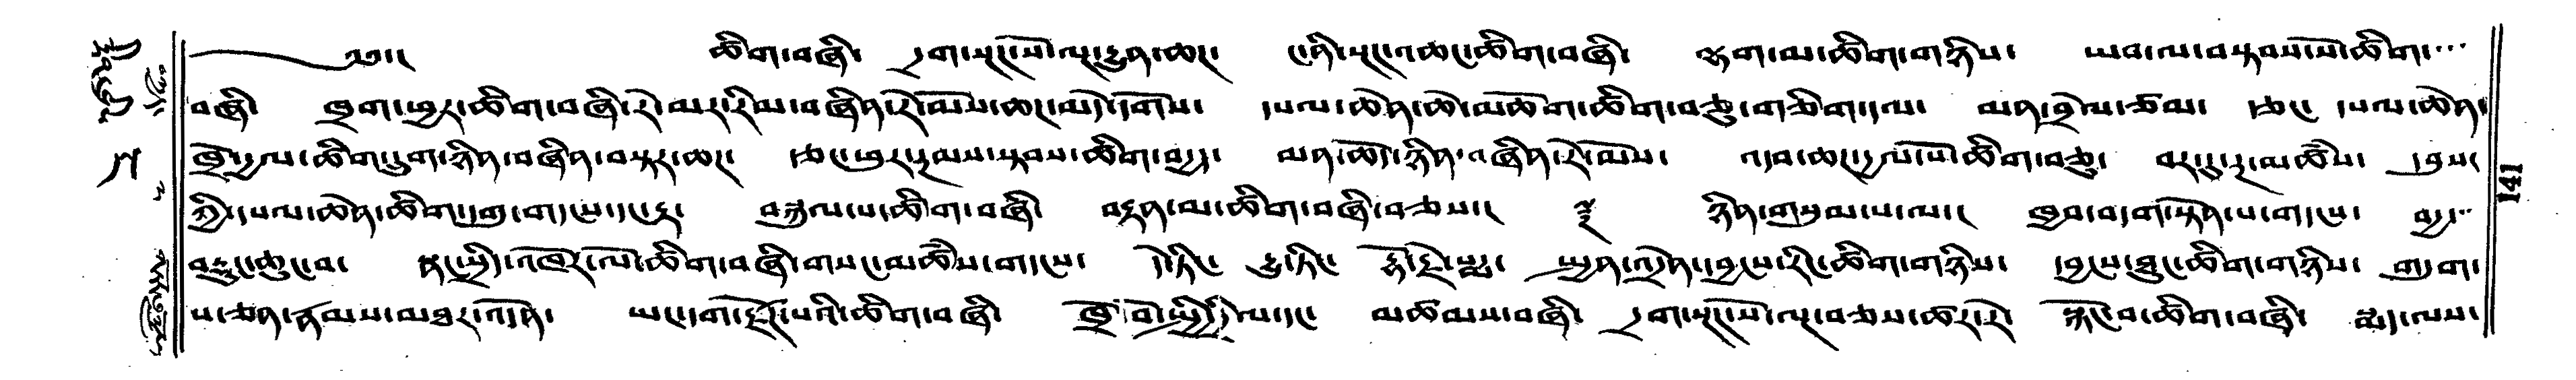ཚིག་བཞི། དྲག་སྔགས་སོ་ལྔ་རྒྱུན་ཆགས ། ང་ནི་སྔགས་འཆང༴ ཚིག་བཞི། ལྷག་མ་ཚིག་གཉིས། ཡབ་ལ་བསྟབས་སོ༴ ཚིག་
བཞི། ཁྲག་འཕྱར་ཚིག་བཞི་རེ་མར་རིམ་བཞིན་རེས་མོས་ཆག་མེད་དགོས། དཔལ་ཆེན་ཆེ་མཆོག༴ ཚིག་བཅུ་གཅིག་དལ། དེ་མན་བྲེལ་ཙམ། རྩང་། དཔལ་ཆེན་
ཁྲོ་རྒྱལ༴ ཚིག་དྲུག་ཉིན་བཞིན་བསྟར་ཆགས། རྩང་ཕུར་རྔམ་སྟབས༴ ཚིག་བརྒྱད། མན་ཆོད་ཉིན་བཞིན་རེས་མོས། འདབ་ཆགས་རྒྱལ་པོ༴ ཚིག་བཅུ། བར་དུ་རྔ་མཚམས། དབུས་
ཀྱི་དཔལ་ཆེན༴ ཚིག་དགུ་གདངས་དང་རྟ། སྐུལ་པ་ཚིག་བཞི། བརྟན་མ་ཚིག་བཞི་བཅས། ༈ ཉིན་གསུམ་པ་ལ། ཁྱབ་བདག་སྟོནཔ༴ གདངས། བརྒྱ་
རྡུང་ཆུང་བ། སྣང་སྲིད་འཁོར་ལོ༴ ཚིག་བཞི་གསང་མཚམས་གདངས། དེ་ཏིང་། རྒྱུ་ཏིང་། རྡོ་རྗེ་པདྨ༴ སྤྱན་འདྲེན་དབྱངས་རིང་ཚིག་གཉིས། དབྱངས་ཐུང་ཚིག་གཉིས། གདུག་
པ་ཅན༴ རྣམས་མཐར་འདོན། ཡང་དག་རྫོགས་པའི༴ ཚིག་བཞི། ཁྲོ་བོ་སྤྱི་དྲིལ་དང་། མཚམས་བཞི། དྲག་སྔགས་སོ་ལྔ་བཅས་ཚར་རེ། སྐོང་བ་ཚིག་བཞི། སྨད་ལས་